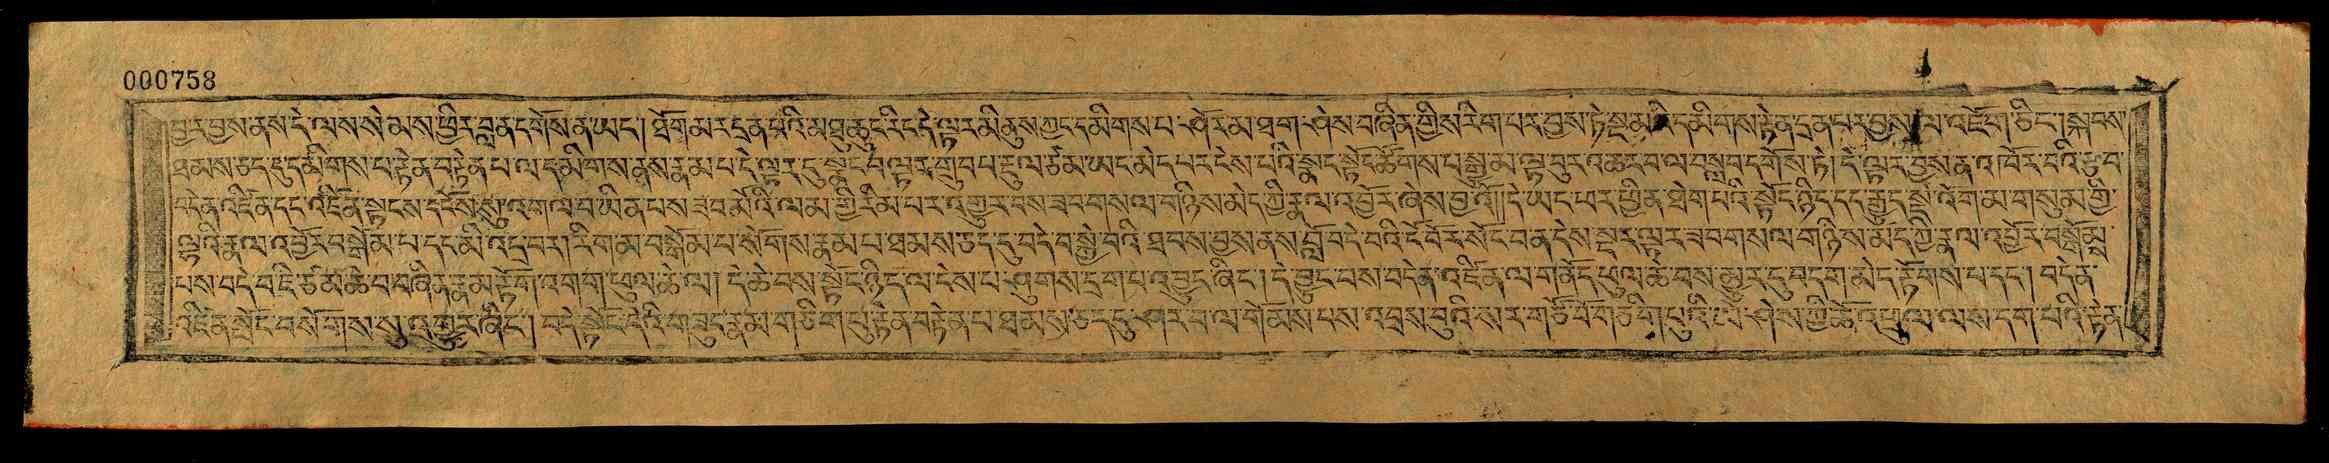བྱ་ར་བྱས་ནས་དེ་ལས་སེམས་ཕྱིར་བླན་དགོས་ན་ཡང་། ཐོག་མར་དྲན་པའི་མཐུ་ཆུང་རིང་དེ་ལྟར་མི་ནུས་ཀྱང་དམིགས་པ་ཤོར་མ་ཐག་ཤེས་བཞིན་གྱིས་རིག་པར་བྱས་ཏེ་སྔ་མའི་དམིགས་རྟེན་དྲན་པར་བྱས་ལ་འཇོག་ཅིང་། སྐབས་
ཐམས་ཅད་དུ་དམིགས་པ་རྟེན་བརྟེན་པ་ལ་དམིགས་ནས་རྣམ་པ་དེ་ལྟར་དུ་སྣང་བ་ལྟར་གྲུབ་པ་རྡུལ་ཙམ་ཡང་མེད་པར་ངེས་པའི་སྣང་སྟོང་ཚོགས་པ་སྒྱུ་མ་ལྟ་བུར་འཆར་བ་ལ་བསླབ་དགོས་ཏེ། དེ་ལྟར་བྱས་ན་འཁོར་བའི་རྩ་བ་
བདེན་འཛིན་དང་འཛིན་སྟངས་དངོས་སུ་འགལ་བ་ཡིན་པས་ཟབ་མོའི་ལམ་གྱི་རིམ་པར་འགྱུར་བས་ཟབ་གསལ་གཉིས་མེད་ཀྱི་རྣལ་འབྱོར་ཞེས་བྱའོ། །དེ་ཡང་ཕར་ཕྱིན་ཐེག་པའི་སྟོང་ཉིད་དང་རྒྱུད་སྡེ་འོག་མ་གསུམ་གྱི་
ལྷའི་རྣལ་འབྱོར་བསྒོམ་པ་དང་མི་འདྲ་བར། རིག་མ་བསྒོམ་པ་སོགས་རྣམ་པ་ཐམས་ཅད་དུ་བདེ་བ་སྐྱེ་བའི་ཐབས་བྱས་ནས་བློ་བདེ་བའི་ངོ་བོར་སོང་བ་ན་དེས་སྔར་ལྟར་ཟབ་གསལ་གཉིས་མེད་ཀྱི་རྣལ་འབྱོར་བསྒོམས་
པས་བདེ་བ་ཇི་ཙམ་ཆེ་བ་བཞིན་རྣམ་རྟོག་འགག་ཕུལ་ཆེ་ལ། དེ་ཆེ་བས་སྟོང་ཉིད་ལ་ངེས་པ་ཤུགས་དྲག་པ་འབྱུང་ཞིང་། དེ་བྱུང་བས་བདེན་འཛིན་ལ་གནོད་ཕུལ་ཆེ་བས་མྱུར་དུ་བདག་མེད་རྟོགས་པ་དང་། བདེན་
འཛིན་སྤོང་བ་སོགས་སུ་འགྱུར་ཞིང་། བདེ་སྟོང་དེའི་གཟུང་རྣམ་གཅིག་པུ་རྟེན་བརྟེན་པ་ཐམས་ཅད་དུ་ཤར་བ་ལ་གོམས་པས་འབྲས་བུའི་སར་གཙོ་བོ་གཅིག་པུའི་ཡེ་ཤེས་ཀྱི་ཆོ་འཕྲུལ་ལས་དག་པའི་རྟེན་